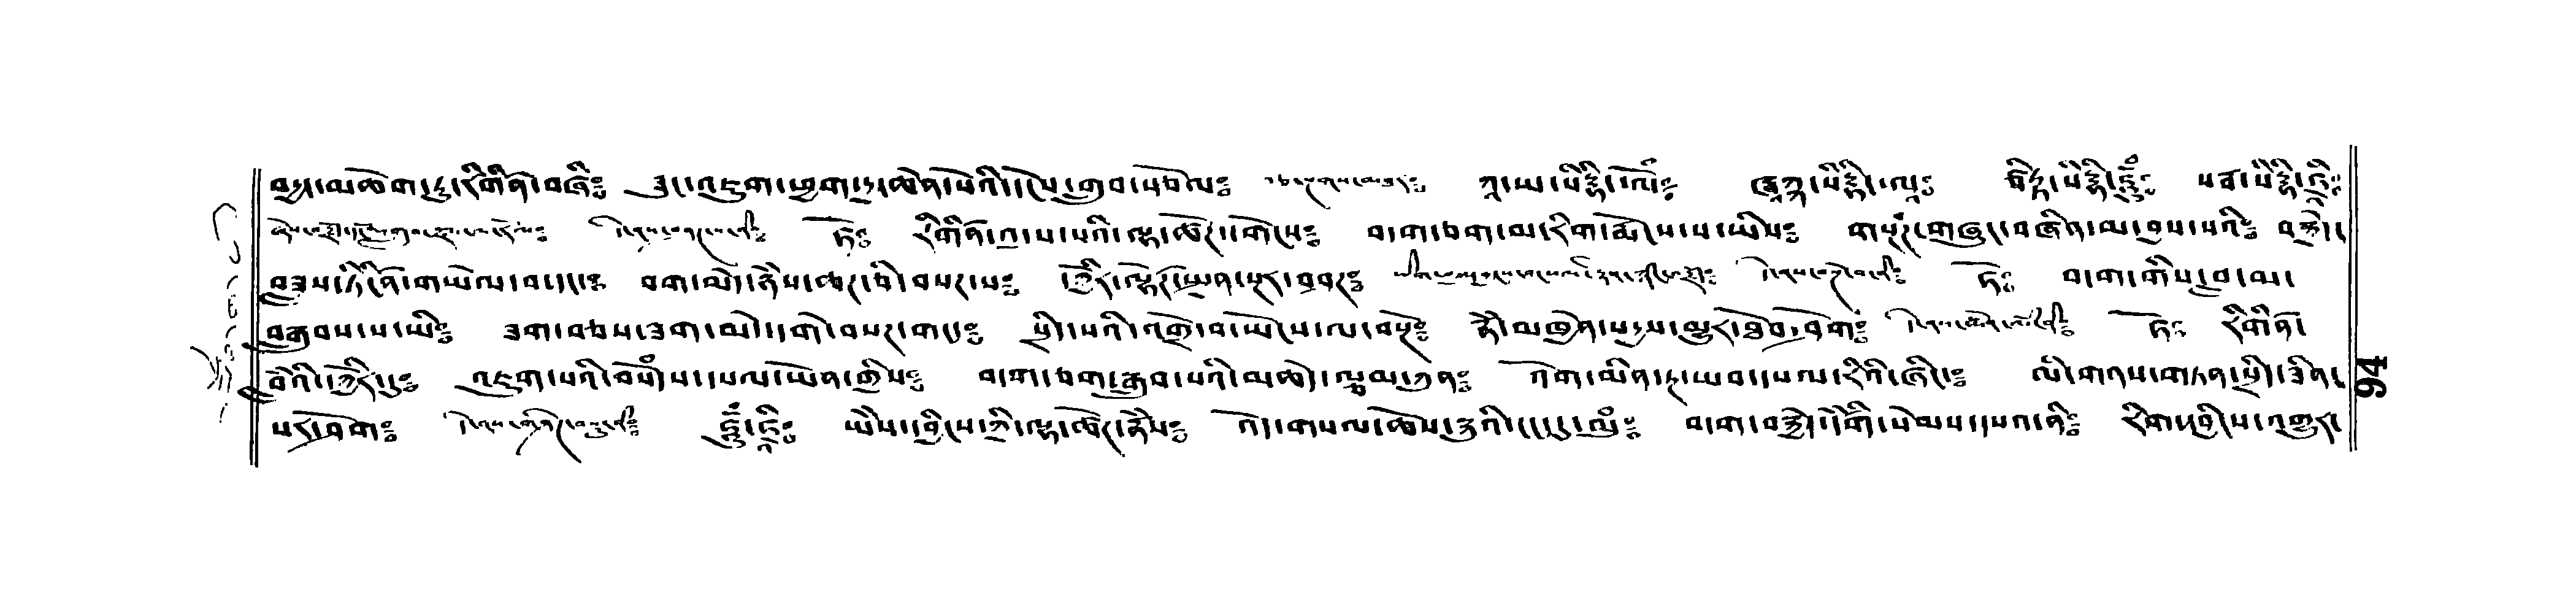བརྒྱད་མཆོད་ཏུ་རིག་འཛིན་བཞི༔ཟུང་འཇུག་ཕྱག་རྒྱ་ཆེན་པོའི་དངོས་གྲུབ་སྩོལ༔ རྩ་སྔགས་མཐར༔ ཀཱ་ཡ་སིདྡྷི་ཨོཾ༔ ཝཱཀྐ་སིདྡྷི་ཨཱཿ ཙིཏྟ་སིདྡྷི་ཧཱུྃ༔ སརྦ་སིདྡྷི་ཧྲཱིཿ 
ཞེས་བརྗོད་དངོས་གྲུབ་རྫས་ལ་རོལ༔ དེ་ནས་བཤགས་པ་ནི༔ ཧོཿ རིག་འཛིན་འདུས་པའི་ལྷ་ཚོགས་དགོངས༔ བདག་ཅག་མ་རིག་རྨོངས་པ་ཡིས༔ གསང་སྔགས་གཞུང་བཞིན་མ་བྱས་པའི༔ བསྐྱེད་
བཟླས་ཏིང་འཛིན་གཡེལ་བ་དང༔ བག་མེད་ཉམས་ཆག་ཅི་བསགས་པ༔ དཀྱིལ་འཁོར་ལྷ་ཚོགས་སྤྱན་སྔར་བཤགས༔ ཡིག་བརྒྱ་དབྱངས་གསལ་རྟེན་སྙིང་བརྗོད༔ དེ་ནས་བསྔོ་བ་ནི༔ ཧོཿ བདག་གིས་བླ་མ་
བསྒྲུབས་པ་ཡིཿ ཟག་བཅས་ཟག་མེད་དགེ་བསགས་གང༔ སྲིད་པའི་འགྲོ་བ་ཡོངས་ལ་བསྔོ༔ རྣམ་མཁྱེན་སངས་རྒྱས་མྱུར་འཐོབ་ཤོག༔ དེ་ནས་སྨོན་ལམ་ནི༔ ཧོཿ རིག་འཛིན་
བླ་མའི་དཀྱིལ་འཁོར་དུ༔ འཇུག་པའི་བསོད་ནམས་དཔལ་ཡོན་གྱིས༔ བདག་ཅག་སྒྲུབ་པའི་མཆེད་ལྕམ་ཀུན༔ འོག་མིན་རྔ་ཡབ་དཔལ་རིའི་ཞིང༔ མི་གནས་གཏན་སྲིད་ཟིན་
པར་ཤོག༔ དེ་ནས་གཤེགས་བསྡུ་ནི༔ ཧཱུྃ་ཧྲཱིཿ ཡེ་ཤེས་དབྱིངས་ཀྱི་ལྷ་ཚོགས་རྣམས༔ འོད་གསལ་ཆོས་སྐུའི་ངང་དུ་མུཾ༔ བདག་བསྐྱེད་དམ་ཚིག་སེམས་དཔའ་ནི༔ རིག་དབྱིངས་འགྱུར་